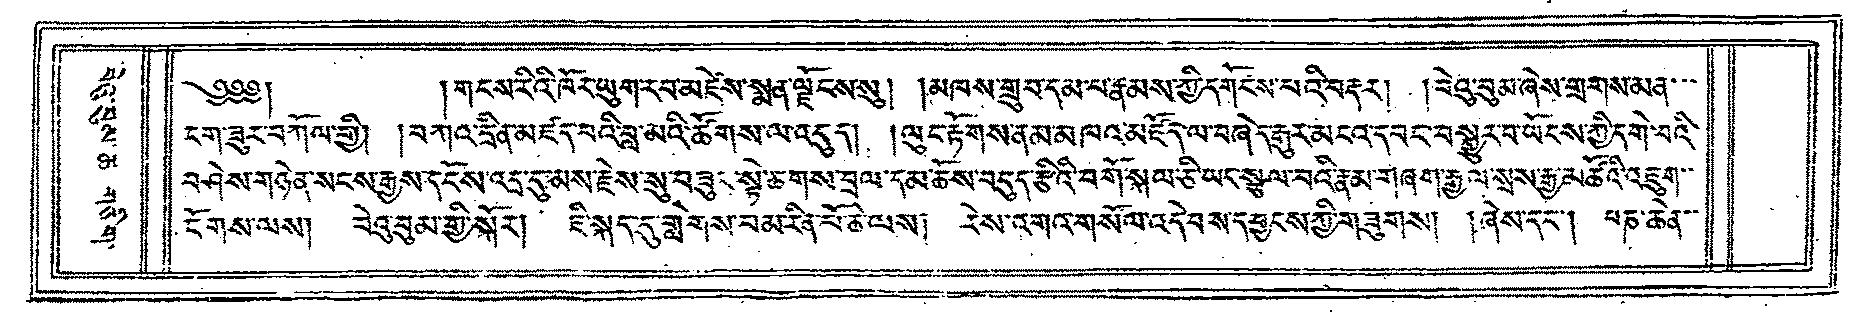༄༅། །གངས་རིའི་ཁོར་ཡུག་རབ་མཛེས་སྨན་ལྗོངས་སུ། །མཁས་གྲུབ་དམ་པ་རྣམས་ཀྱི་དགོངས་པའི་བརྡར། །བེའུ་བུམ་ཞེས་གྲགས་མན་
ངག་ཟུར་བཀོལ་གྱི། །བཀའ་དྲིན་མཛད་པའི་བླ་མའི་ཚོགས་ལ་འདུད། །ལུང་རྟོགས་ནམ་མཁའ་མཛོད་ལ་བཞེད་རྒུར་མངའ་དབང་བསྒྱུར་བ་ཡོངས་ཀྱི་དགེ་བའི་
བཤེས་གཉེན་སངས་རྒྱས་དངོས་འདྲ་དུ་མས་རྗེས་སུ་བཟུང་སྟེ་ཆགས་བྲལ་དམ་ཆོས་བདུད་རྩིའི་བགོ་སྐལ་ཅི་ཡང་སྩལ་བའི་རྣམ་གཞག་རྒྱལ་སྲས་རྒྱ་མཚོའི་འཇུག་
ངོགས་ལས། བེའུ་བུམ་གྱི་སྐོར། ཇི་སྐད་དུ་གླེགས་བམ་རིན་པོ་ཆེ་ལས། རེས་འགའ་གསོལ་འདེབས་དབྱངས་ཀྱི་གཟུགས། །ཞེས་དང་། པཎ་ཆེན་